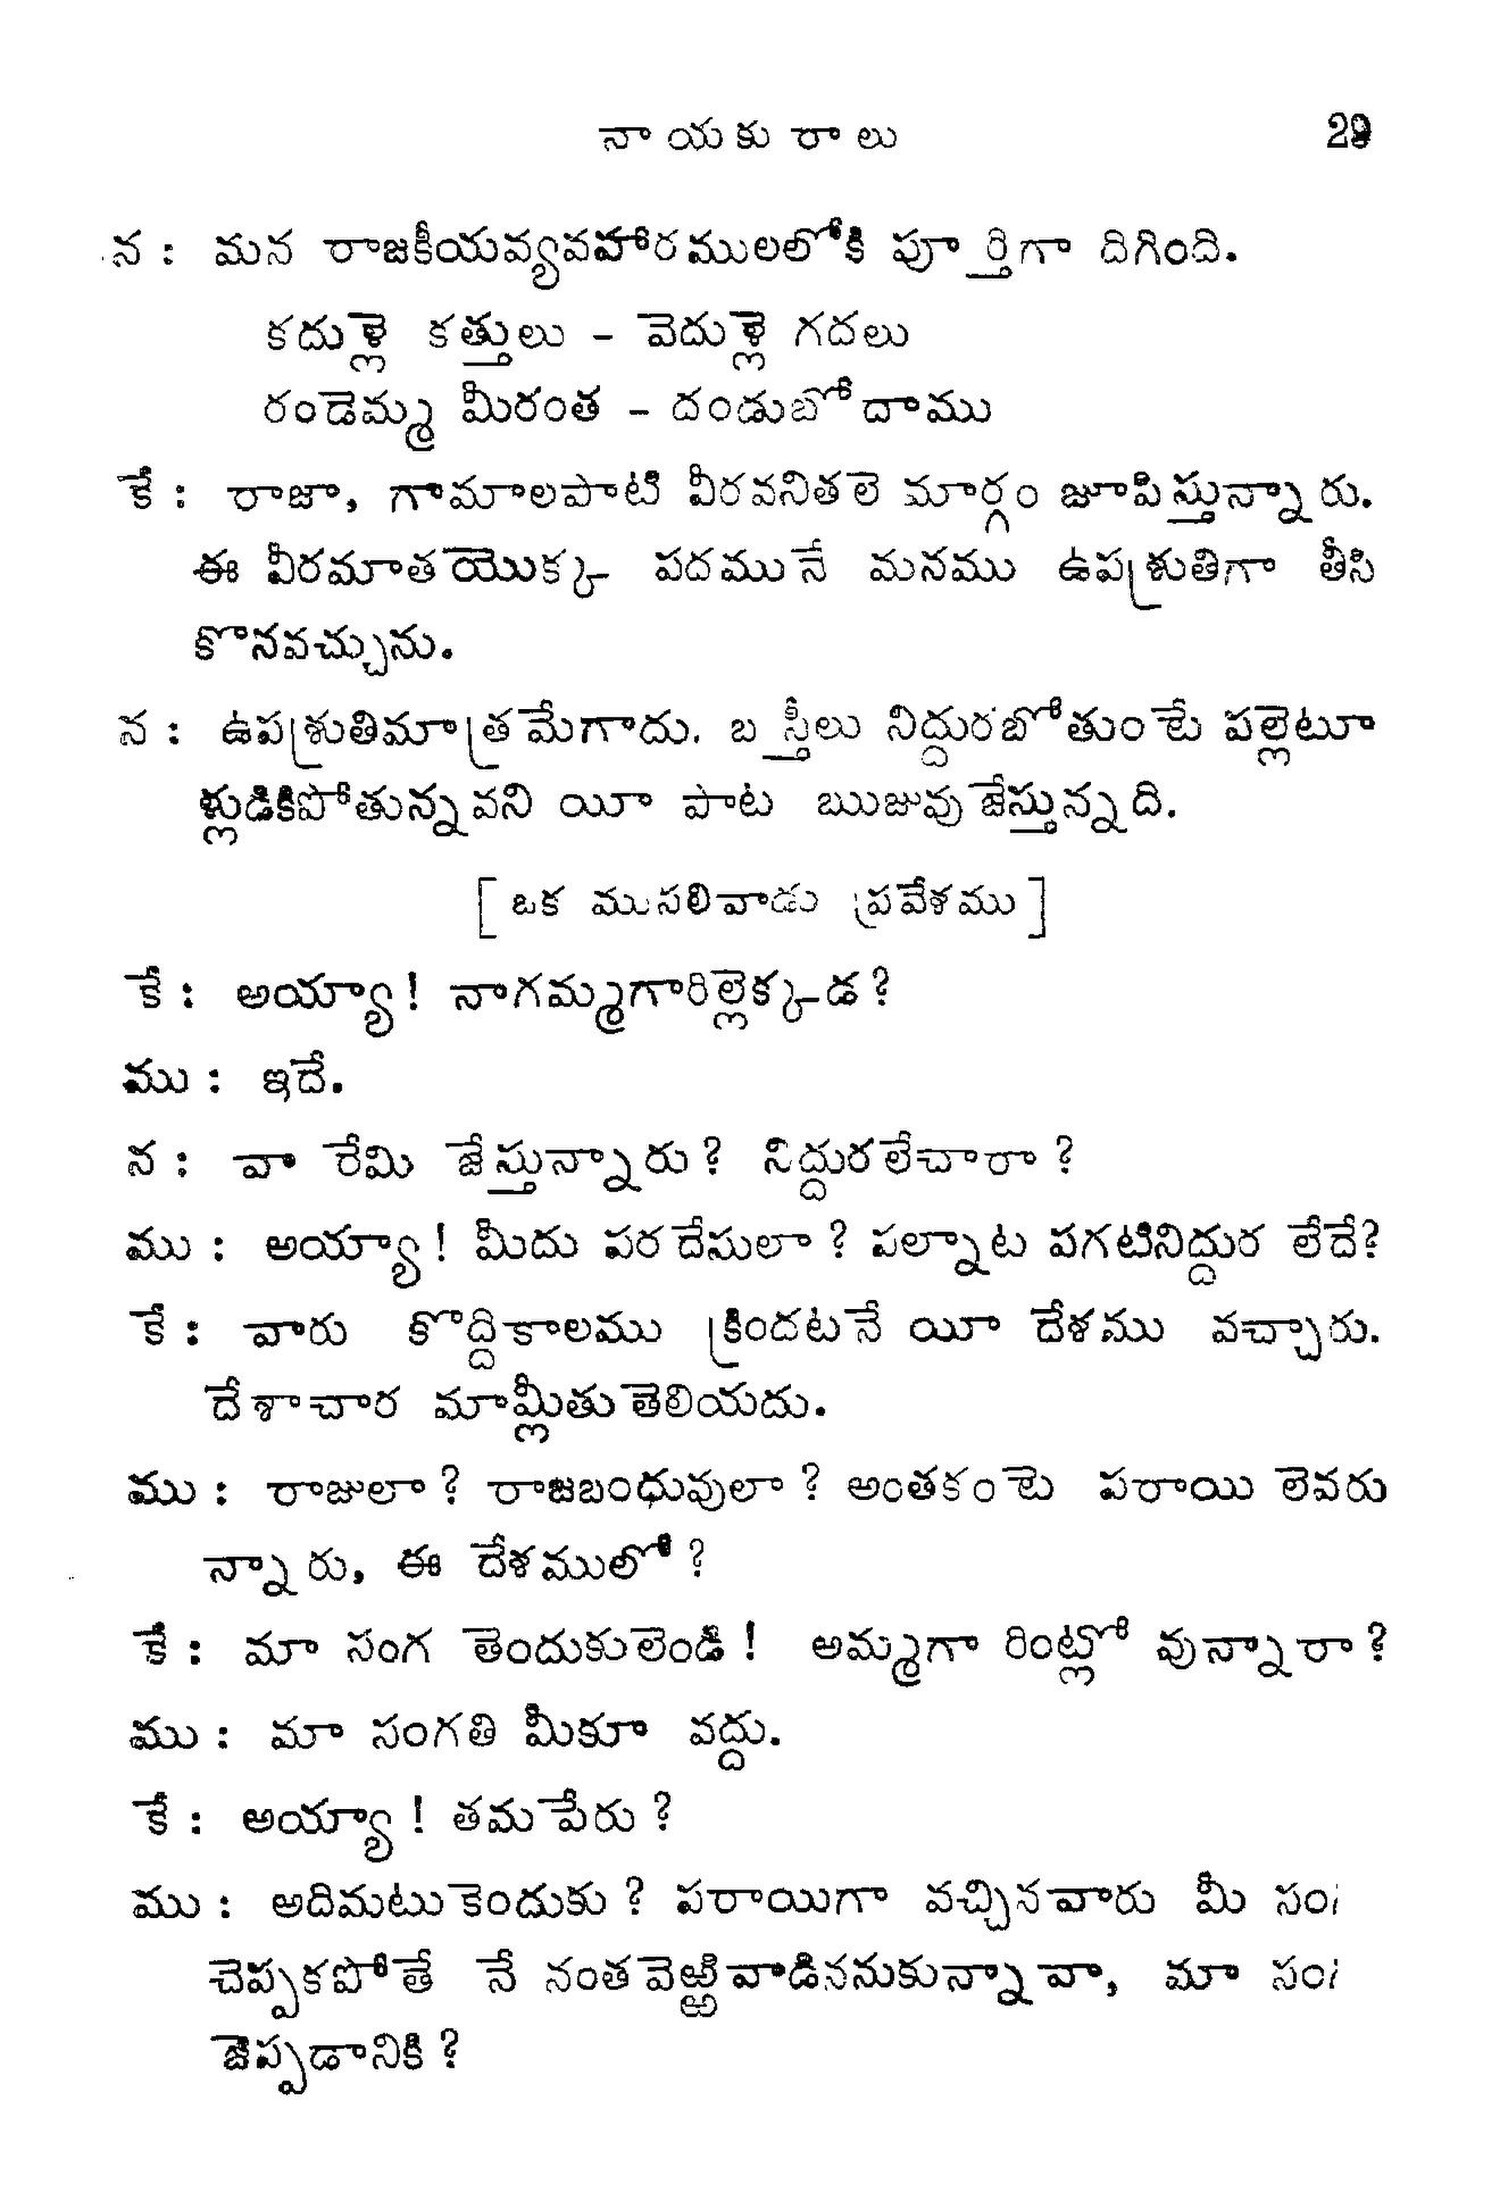న : మన రాజకీయవ్యవహారములలోకి పూర్తిగా దిగింది.

కదుళ్లె కత్తులు - వెదుళ్లె గదలు
రండెమ్మ మీరంత - దండుబోదాము
కే: రాజా, గామాలపాటి వీరవనితలె మార్గం జూపిస్తున్నారు. ఈ వీరమాతయొక్క పదమునే మనము ఉపశ్రుతిగా తీసికొనవచ్చును.

న : ఉపశ్రుతిమాత్రమేగాదు. బస్త్రీలు నిద్దురబోతుంటే పల్లెటూళ్లుడికిపోతున్నవని యీ పాట ఋజువు జేస్తున్నది.

కే : అయ్యా ! నాగమ్మగారిల్లెక్కడ ?

ము: ఇదే.

న : వా రేమి జేస్తున్నారు ? నిద్దురలేచారా ?

ము : అయ్యా ! మీదు పరదేసులా ? పల్నాట పగటినిద్దుర లేదే? ?

కే: వారు కొద్దికాలము క్రిందటనే యీ దేశము వచ్చారు. దేశాచార మామ్లీతు తెలియదు.

ము: రాజులా? రాజబంధువులా ? అంతకంటే పరాయి లెవరున్నారు, ఈ దేశములో ?

కే: మా సంగ తెందుకులెండి ! అమ్మగా రింట్లో వున్నారా ?

ము : మా సంగతి మీకూ వద్దు.

కే: అయ్యా ! తమపేరు ?

ము : అదిమటు కెందుకు ? పరాయిగా వచ్చినవారు మీ సంగతి చెప్పకపోతే నే నంతవెఱ్ఱివాడి ననుకున్నావా, మా సంగతి జెప్పడానికి ?